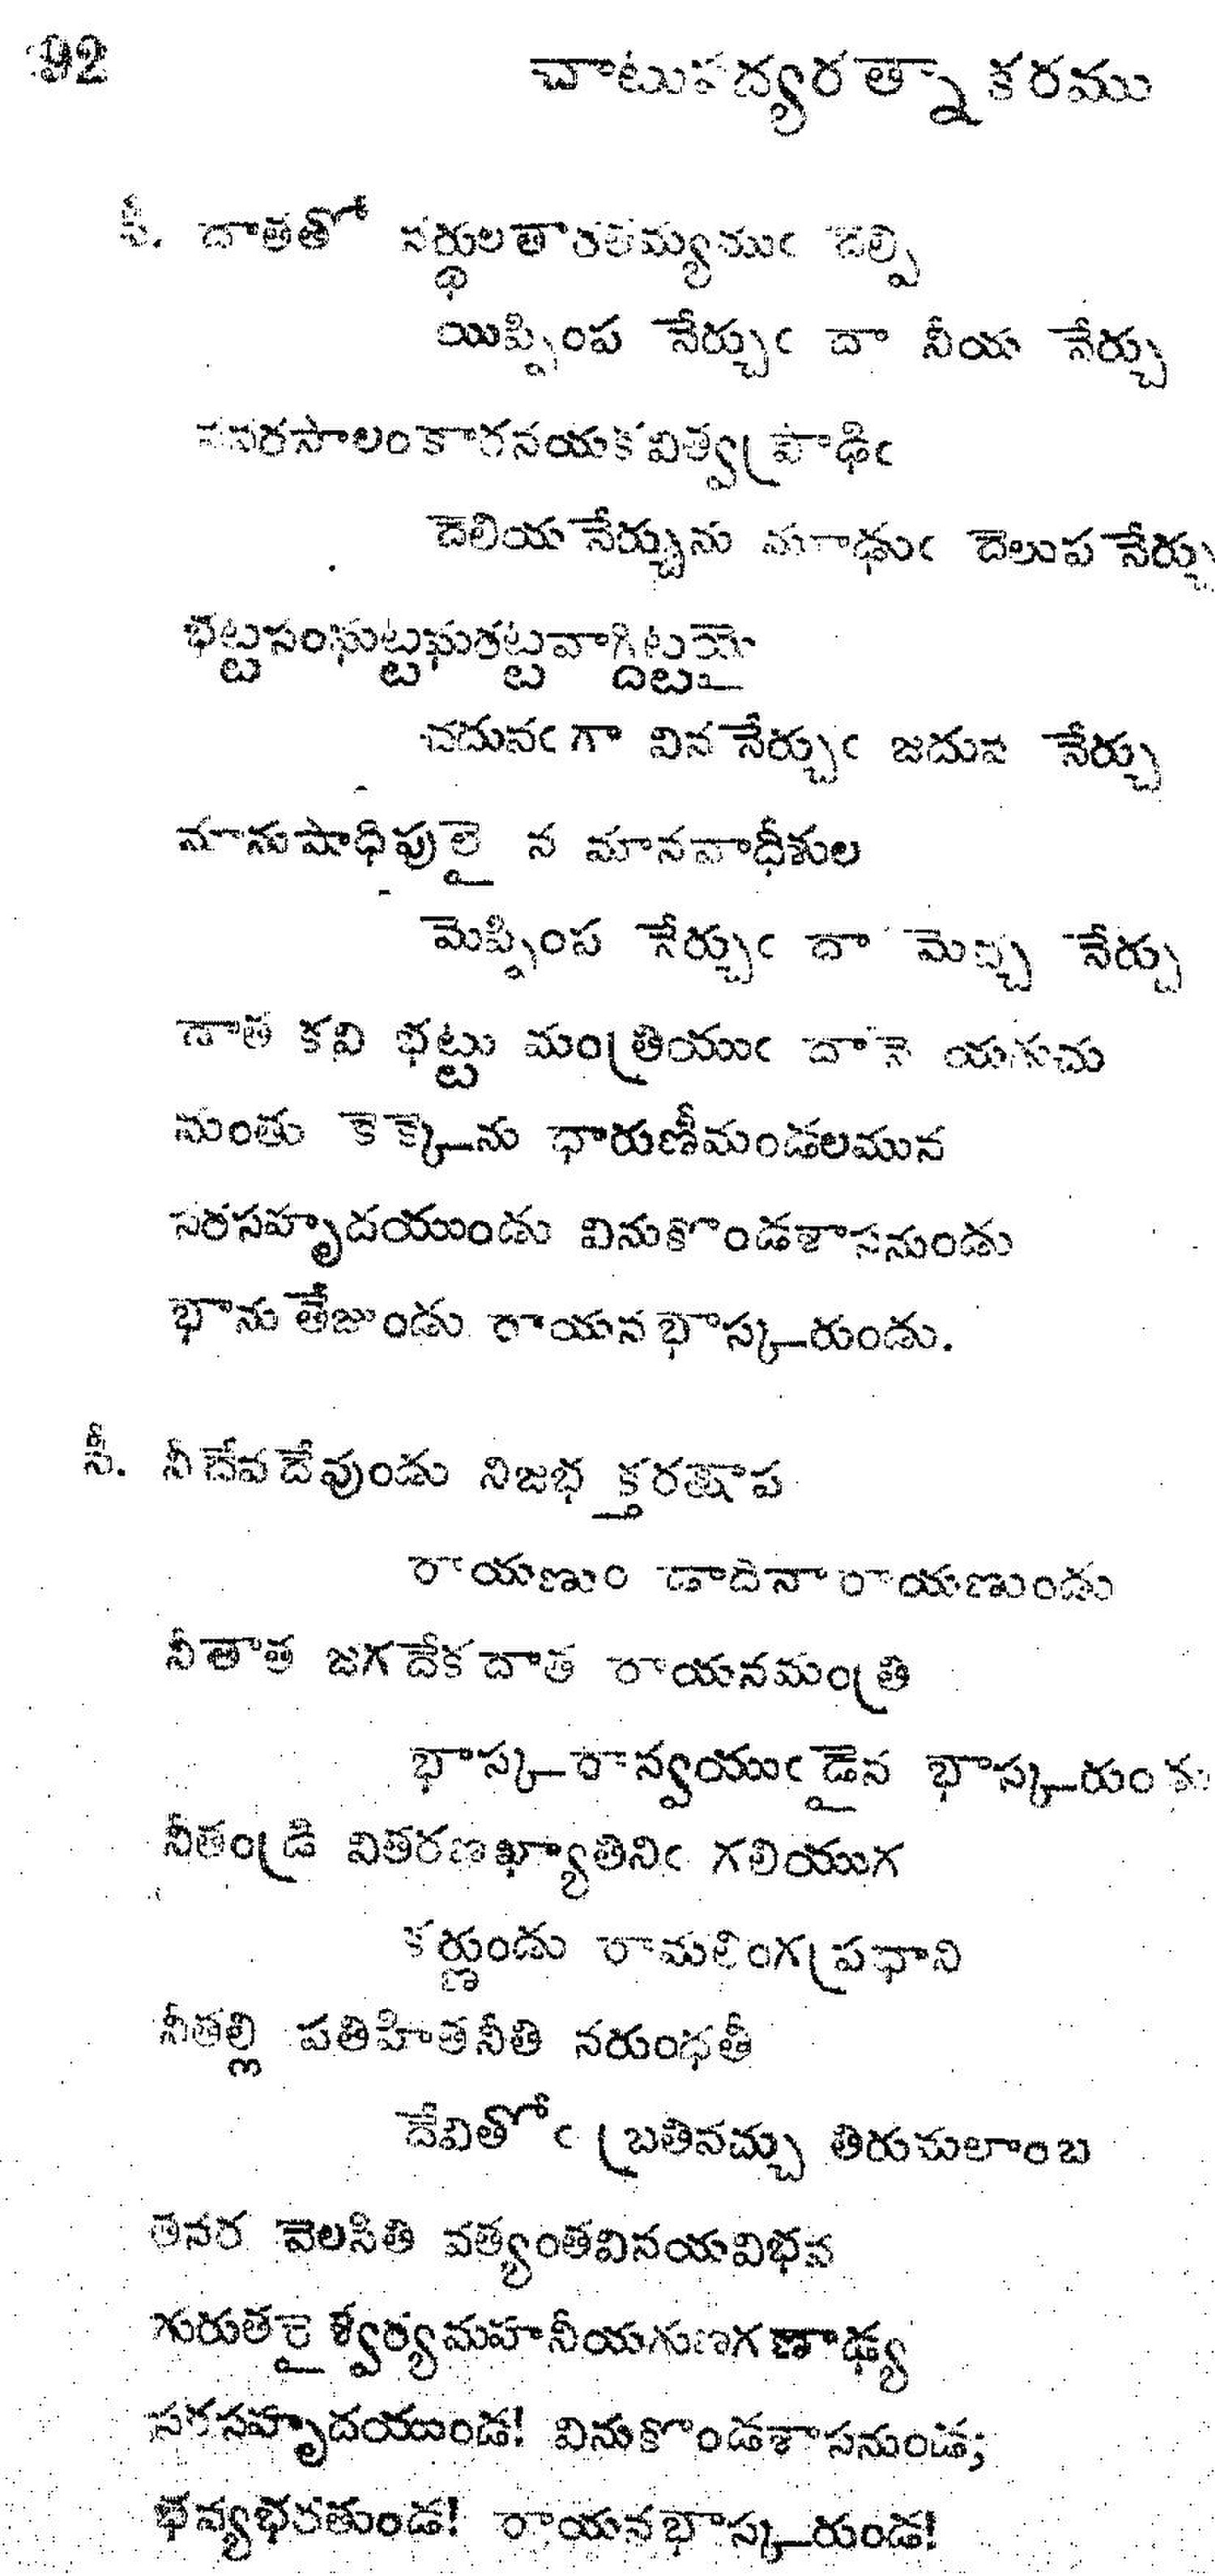సీ. దాతతో నర్థులతారతమ్యముఁ దెల్పి
 యిప్పింప నేర్చుఁ దా నీయ నేర్చు
 నవరసాలంకారనయకవిత్వప్రౌఢిఁ
 దెలియనేర్చును మూఢుఁ దెలుప నేర్చు
 భట్టసంఘట్టఘరట్టవాగ్దిట్టయై
 చదువఁగా విన నేర్చుఁ జదువ నేర్చు
 మానుషాధిపులైన మానవాధీశుల
 మెప్పింప నేర్చుఁ దా మెచ్చ నేర్చు
 దాత కవి భట్టు మంత్రియుఁ దానె యగుచు
 మంతు కెక్కెను ధారుణీమండలమున
 సరసహృదయుండు! వినుకొండశాసనుండు!
 భవ్యభరతుండు! రాయనభాస్కరుండు!

సీ. నీదేవదేవుండు నిజభక్తరక్షాప
 రాయణుం డాదినారాయణుండు
 నీతాత జగదేకదాత రాయనమంత్రి
 భాస్కరాన్వయుఁ డైన భాస్కరుండు
 నీతండ్రి వితరణఖ్యాతినిఁ గలియుగ
 కర్ణుండు రామలింగప్రధాని
 నీతల్లి పతిహితనీతి నరుంధతీ
 దేవితోఁ బ్రతివచ్చు తిరుమలాంబ
 తనర వెలిసితి వత్యంతవినయవిభవ
 గురుతరైశ్వర్య మహనీయగుణగణాఢ్య!
 సరసహృదయుండ! వినుకొండశాసనుండ!
 భవ్యభరతుండ! రాయనభాస్కరుండ!